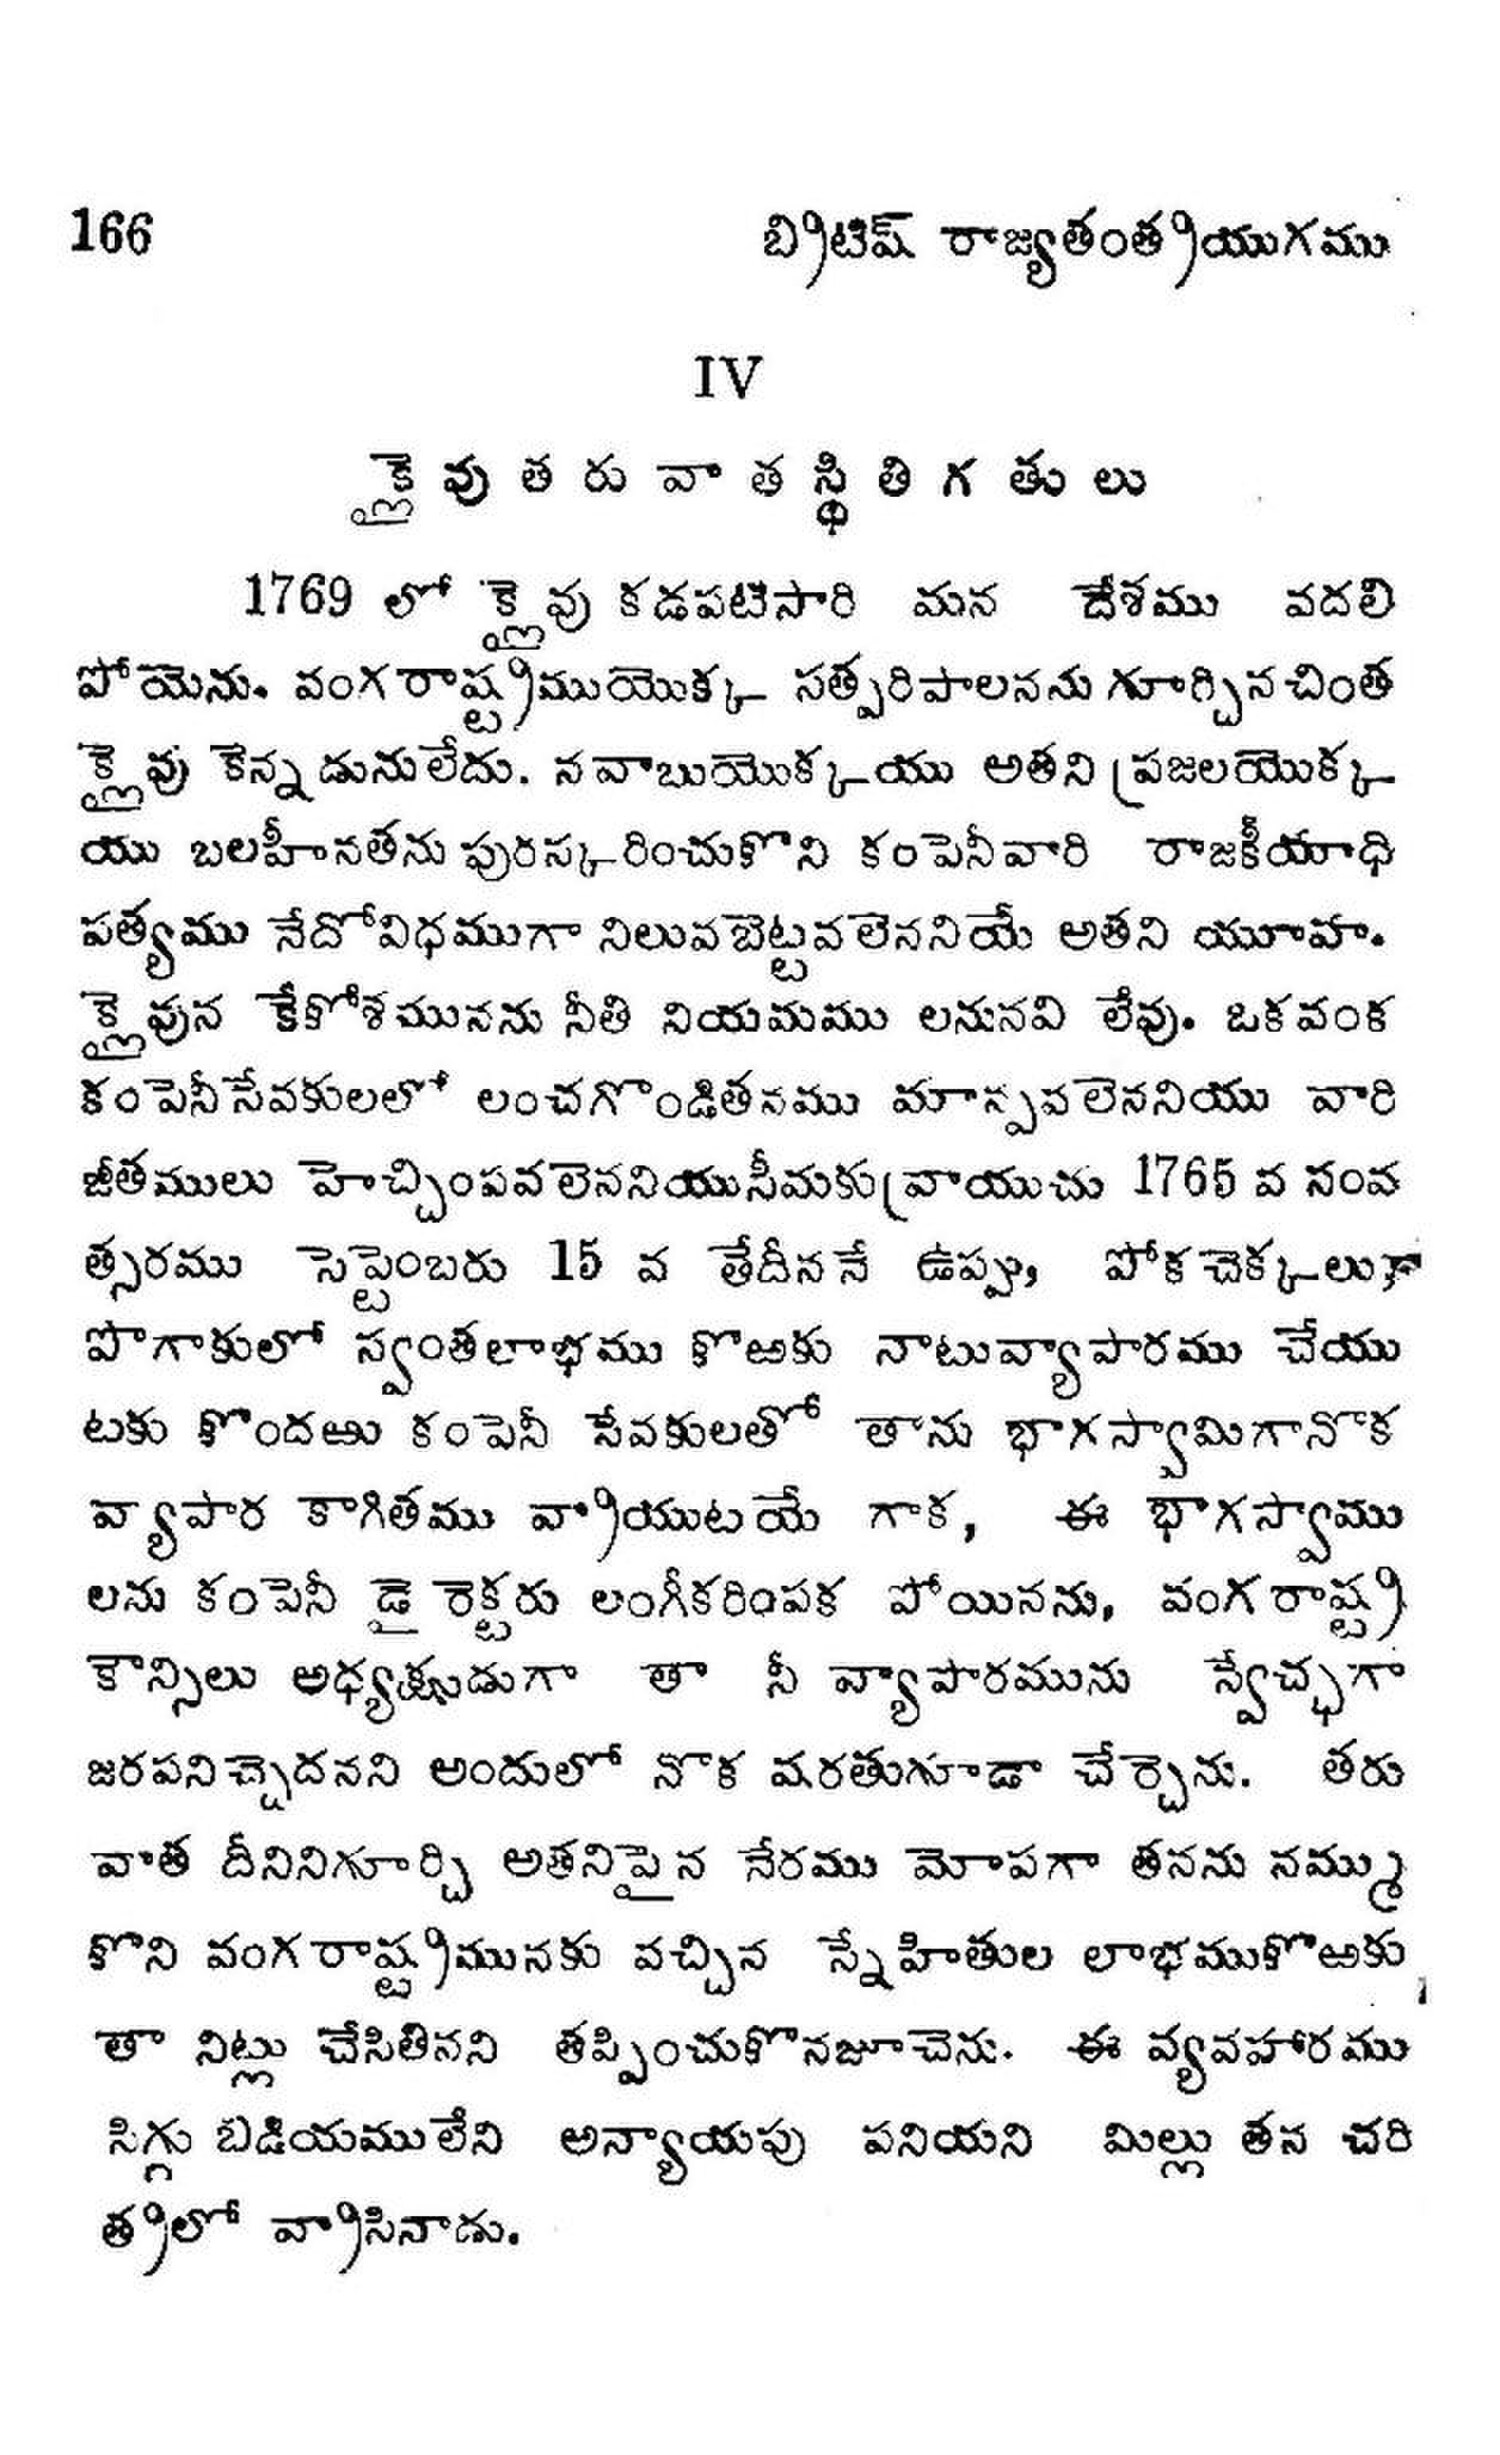IV 
క్లైవు తరువాత స్థితిగతులు 

1769 లో క్లైవు కడపటిసారి మన దేశము వదలిపోయెను. వంగరాష్ట్రముయొక్క సత్పరిపాలనను గూర్చినచింత క్లైవు కెన్నడునులేదు. నవాబుయొక్కయు అతని ప్రజలయొక్కయు బలహీనతను పురస్కరించుకొని కంపెనీవారి రాజకీయాధిపత్యము నేదోవిధముగా నిలువబెట్టవలెననియే అతని యూహ. క్లైవున కేకోశమునను నీతి నియమము లనునవి లేవు. ఒక వంక కంపెనీసేవకులలో లంచగొండితనము మాన్పవలెననియు వారి జీతములు హెచ్చింపవలెననియుసీమకువ్రాయుచు 1765 వ సంవత్సరము సెప్టెంబరు 15 వ తేదీననే ఉప్పు, పోకచెక్కలు, పొగాకులో స్వంతలాభము కొఱకు నాటువ్యాపారము చేయుటకు కొందఱు కంపెనీ సేవకులతో తాను భాగస్వామిగానొక వ్యాపార కాగితము వ్రాయుటయే గాక, ఈ భాగస్వాములను కంపెనీ డైరెక్టరు లంగీకరింపక పోయినను, వంగరాష్ట్ర కౌన్సిలు అధ్యక్షుడుగా తా నీ వ్యాపారమును స్వేచ్ఛగా జరపనిచ్చెదనని అందులో నొక షరతుగూడా చేర్చెను. తరువాత దీనినిగూర్చి అతనిపైన నేరము మోపగా తనను నమ్ముకొని వంగరాష్ట్రమునకు వచ్చిన స్నేహితుల లాభముకొఱకు, తా నిట్లు చేసితినని తప్పించుకొనజూచెను. ఈ వ్యవహారము సిగ్గు బిడియములేని అన్యాయపు పనియని మిల్లు తన చరిత్రలో వ్రాసినాడు.